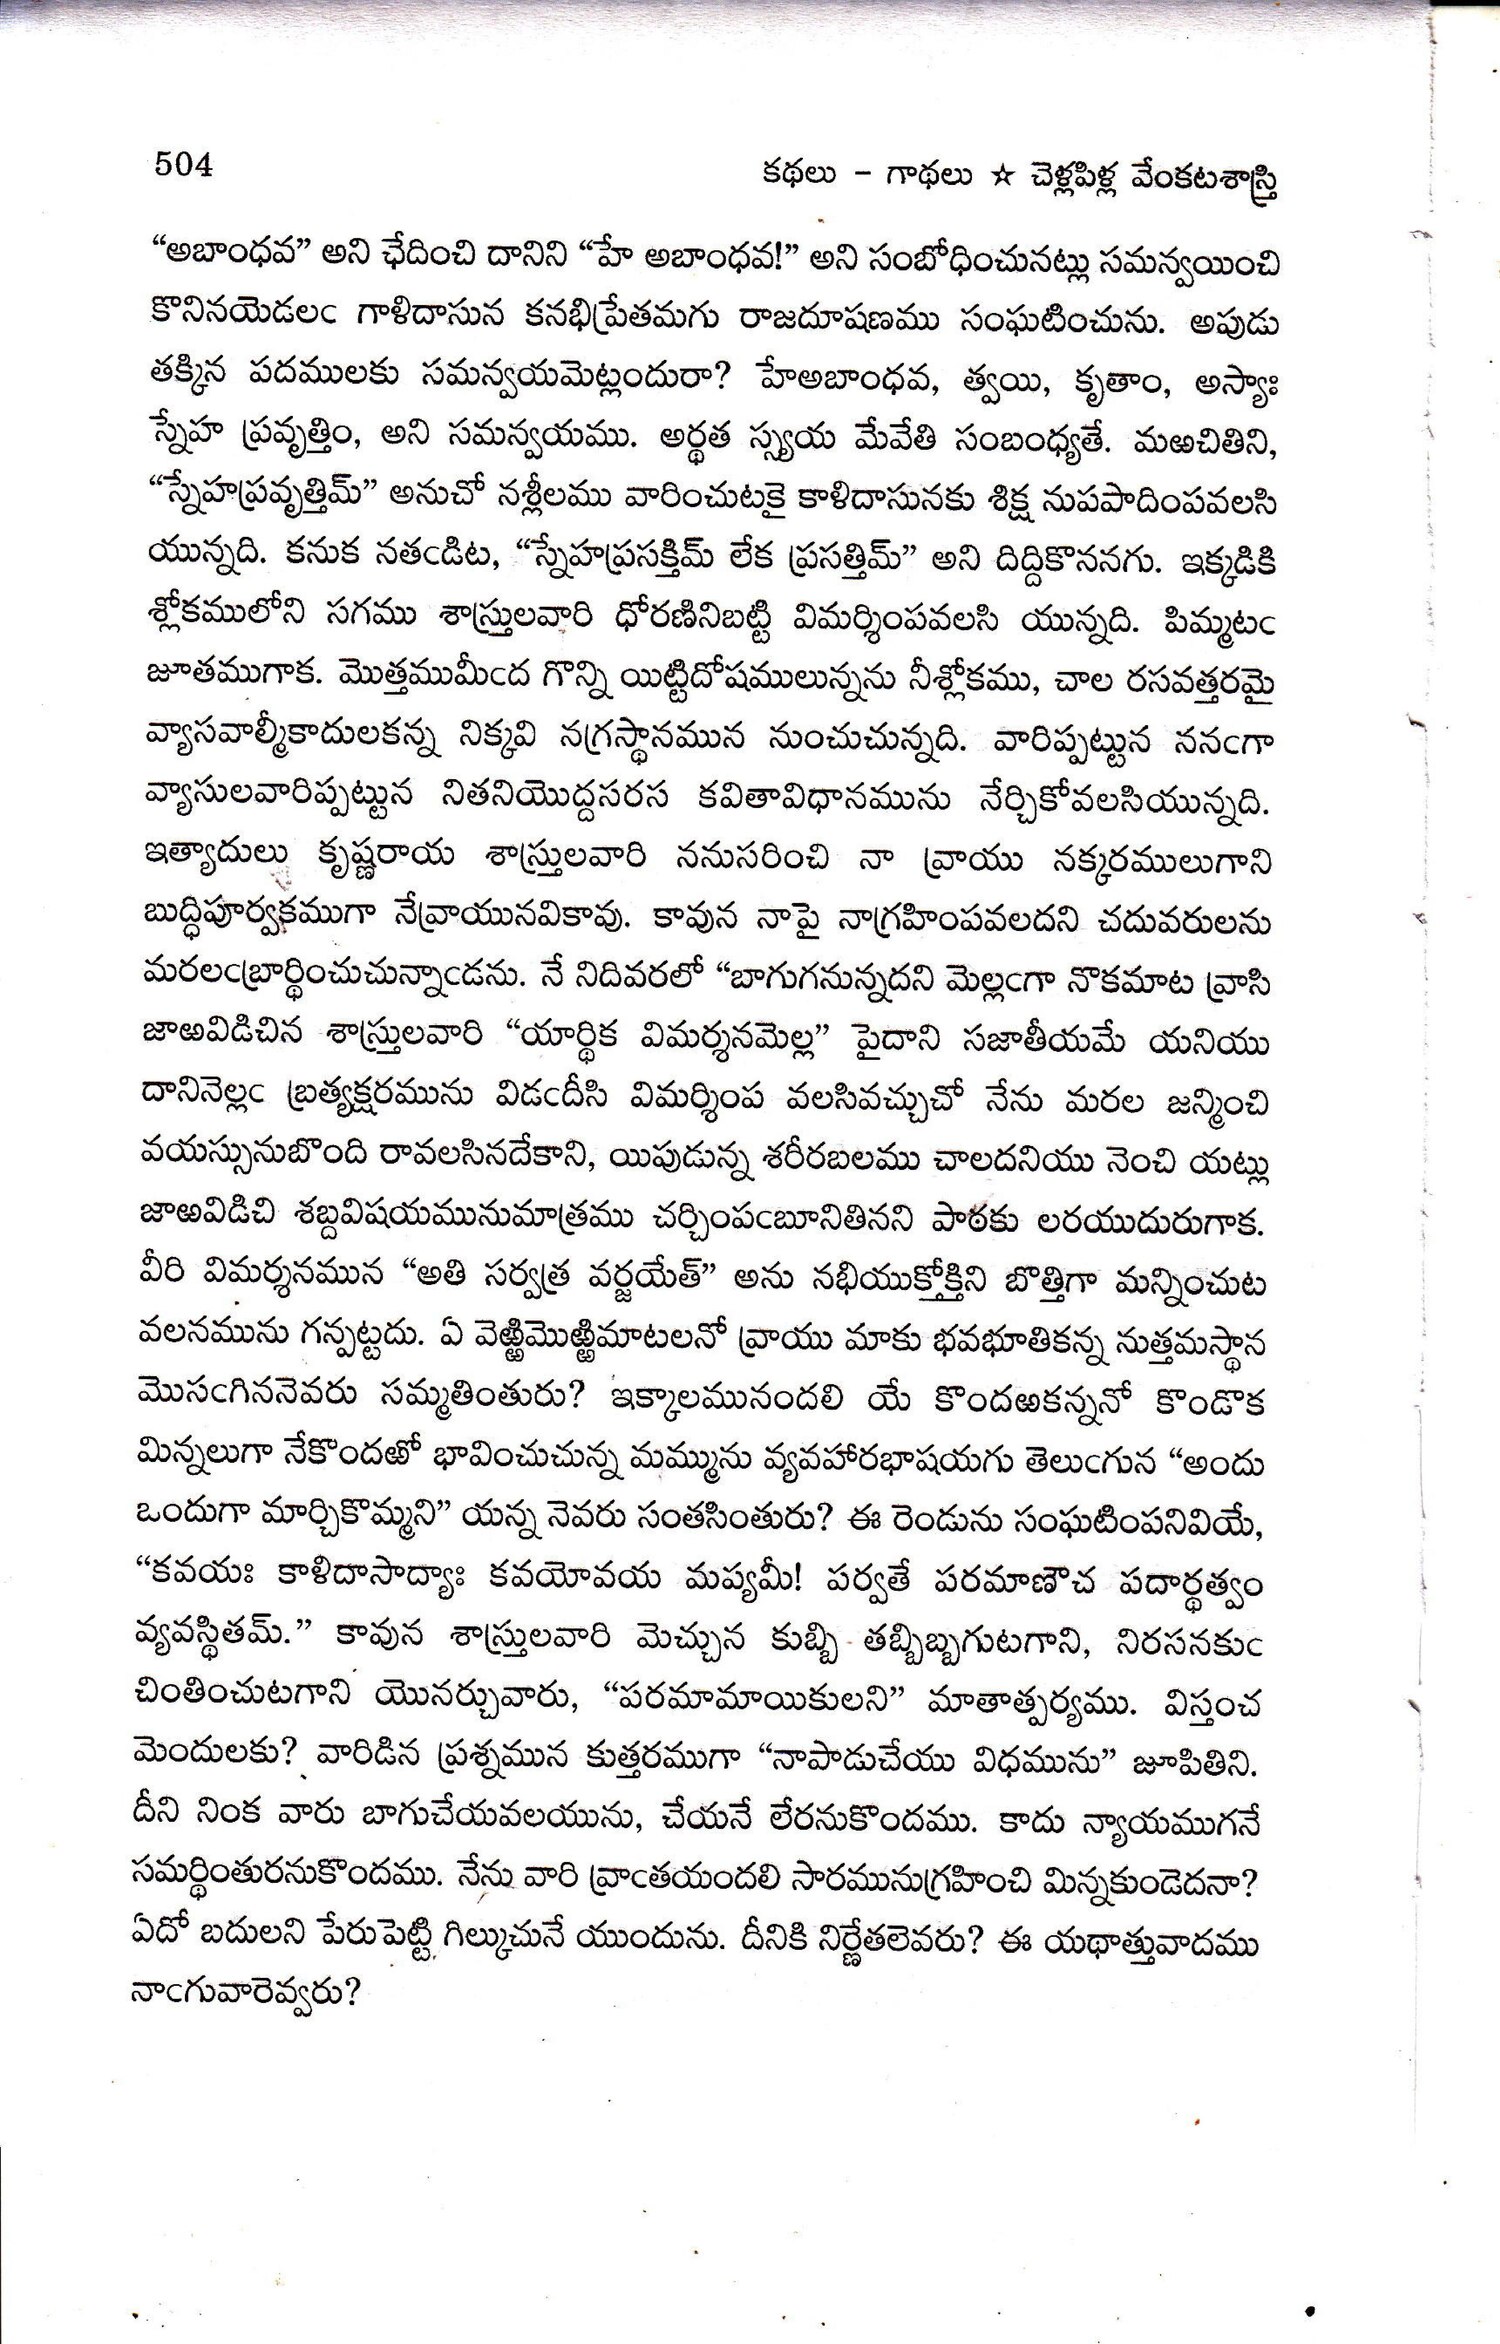“అబాంధవ" అని ఛేదించి దానిని "హే అబాంధవ!” అని సంబోధించునట్లు సమన్వయించి కొనినయెడలఁ గాళిదాసున కనభిప్రేతమగు రాజదూషణము సంఘటించును. అపుడు తక్కిన పదములకు సమన్వయమెట్లందురా? హేఅబాంధవ, త్వయి, కృతాం, అస్యాః స్నేహ ప్రవృత్తిం, అని సమన్వయము. అర్ధత స్స్యయ మేవేతి సంబంధ్యతే. మఱచితిని, "స్నేహప్రవృత్తిమ్" అనుచో నశ్లీలము వారించుటకై కాళిదాసునకు శిక్ష నుపపాదింపవలసి యున్నది. కనుక నతఁడిట, “స్నేహప్రసక్తిమ్ లేక ప్రసత్తిమ్” అని దిద్దికొననగు. ఇక్కడికి శ్లోకములోని సగము శాస్త్రులవారి ధోరణినిబట్టి విమర్శింపవలసి యున్నది. పిమ్మటఁ జూతముగాక. మొత్తముమీఁద గొన్ని యిట్టిదోషములున్నను నీశ్లోకము, చాల రసవత్తరమై వ్యాసవాల్మీకాదులకన్న నిక్కవి నగ్రస్థానమున నుంచుచున్నది. వారిప్పట్టున ననఁగా వ్యాసులవారిప్పట్టున నితనియొద్దసరస కవితావిధానమును నేర్చికోవలసియున్నది. ఇత్యాదులు కృష్ణరాయ శాస్త్రులవారి ననుసరించి నా వ్రాయు నక్కరములుగాని బుద్ధిపూర్వకముగా నేవ్రాయునవికావు. కావున నాపై నాగ్రహింపవలదని చదువరులను మరలఁబ్రార్థించుచున్నాఁడను. నే నిదివరలో "బాగుగనున్నదని మెల్లఁగా నొకమాట వ్రాసి జాఱవిడిచిన శాస్త్రులవారి “యార్థిక విమర్శనమెల్ల" పైదాని సజాతీయమే యనియు దానినెల్లఁ బ్రత్యక్షరమును విడఁదీసి విమర్శింప వలసివచ్చుచో నేను మరల జన్మించి వయస్సునుబొంది రావలసినదేకాని, యిపుడున్న శరీరబలము చాలదనియు నెంచి యట్లు జాఱవిడిచి శబ్దవిషయమునుమాత్రము చర్చింపఁబూనితినని పాఠకు లరయుదురుగాక. వీరి విమర్శనమున "అతి సర్వత్ర వర్జయేత్" అను నభియుక్తోక్తిని బొత్తిగా మన్నించుట వలనమును గన్పట్టదు. ఏ వెఱ్ఱిమొఱ్ఱిమాటలనో వ్రాయు మాకు భవభూతికన్ననుత్తమస్థాన మొసఁగిననెవరు సమ్మతింతురు? ఇక్కాలమునందలి యే కొందఱకన్ననో కొండొక మిన్నలుగా నేకొందఱో భావించుచున్న మమ్మును వ్యవహారభాషయగు తెలుఁగున “అందు ఒందుగా మార్చికొమ్మని" యన్న నెవరు సంతసింతురు? ఈ రెండును సంఘటింపనివియే, “కవయః కాళిదాసాద్యాః కవయోవయ మప్యమీ! పర్వతే పరమాణౌచ పదార్థత్వం వ్యవస్థితమ్." కావున శాస్త్రులవారి మెచ్చున కుబ్బి తబ్బిబ్బగుటగాని, నిరసనకుఁ చింతించుటగాని యొనర్చువారు, “పరమామాయికులని’ మాతాత్పర్యము. విస్తంచ మెందులకు? వారిడిన ప్రశ్నమున కుత్తరముగా “నాపాడుచేయు విధమును" జూపితిని. దీని నింక వారు బాగుచేయవలయును, చేయనే లేరనుకొందము. కాదు న్యాయముగనే సమర్థింతురనుకొందము. నేను వారి వ్రాఁతయందలి సారమునుగ్రహించి మిన్నకుండెదనా? ఏదో బదులని పేరుపెట్టి గిల్కుచునే యుందును. దీనికి నిర్ణేతలెవరు? ఈ యథాత్తువాదము నాఁగువారెవ్వరు?